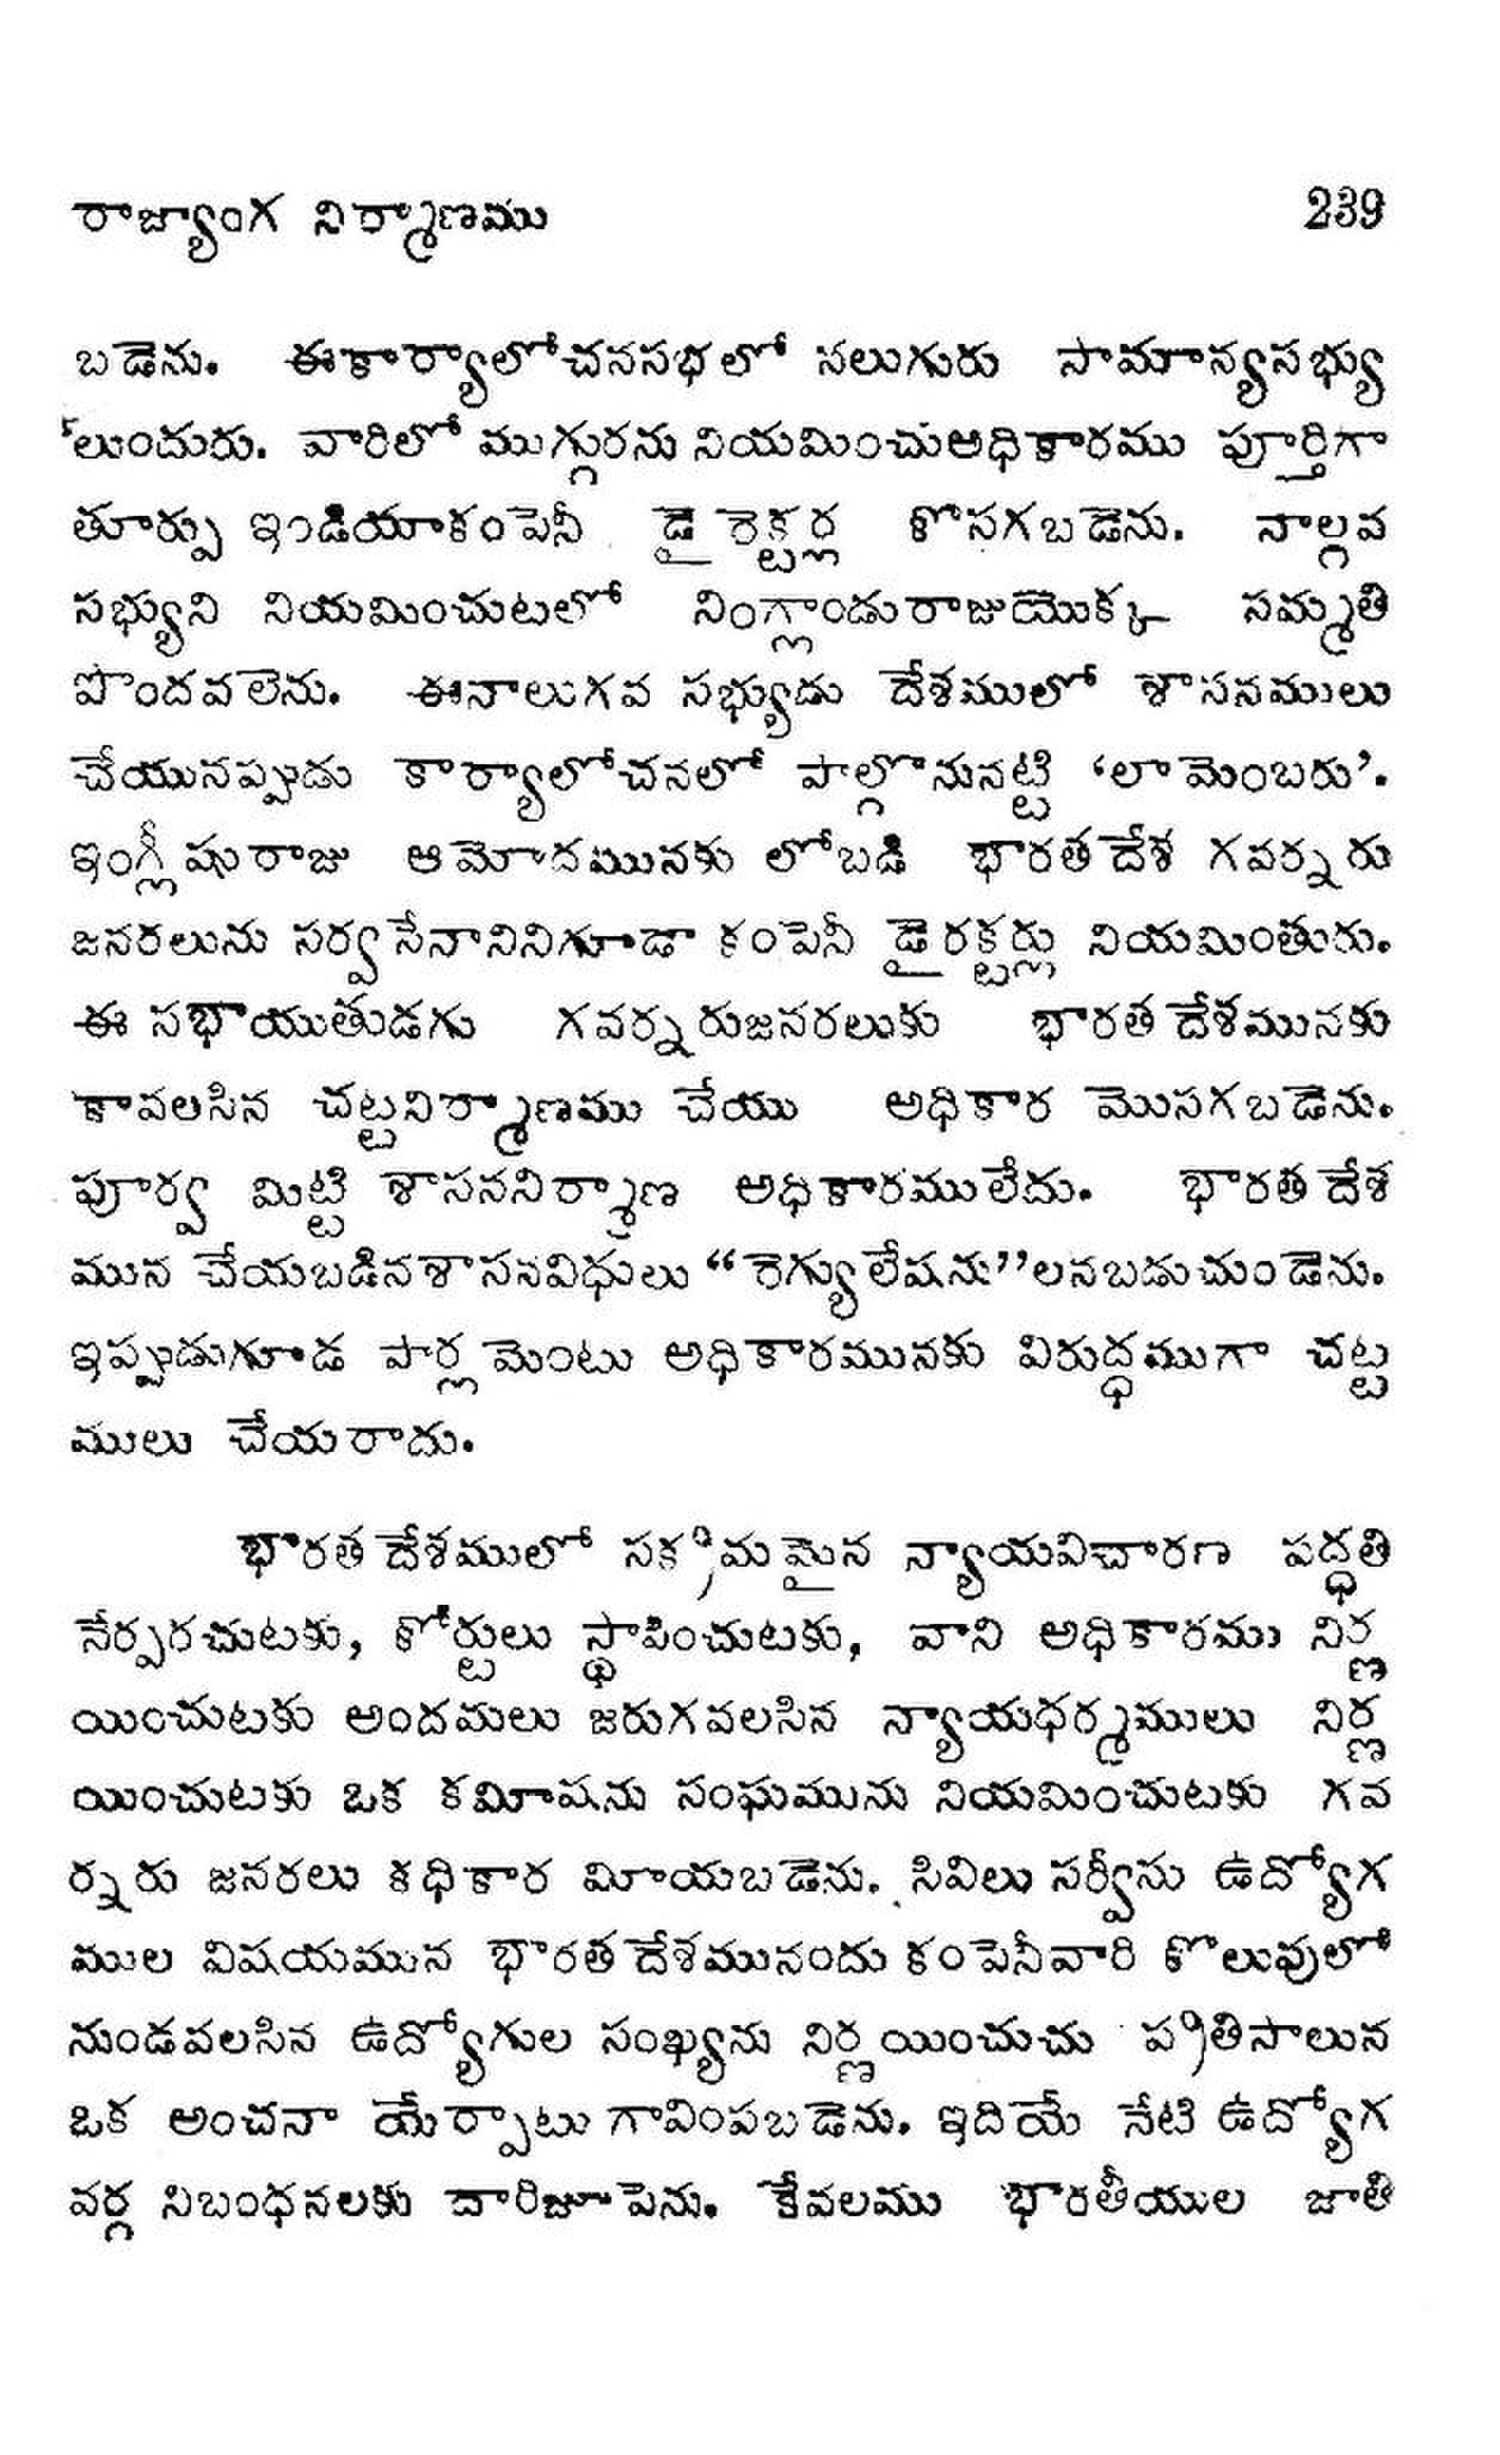బడెను. ఈకార్యాలోచనసభలో నలుగురు సామాన్యసభ్యు లుందురు. వారిలో ముగ్గురను నియమించు అధికారము పూర్తిగా తూర్పు ఇండియాకంపెనీ డైరెక్టర్ల కొసగబడెను. నాల్గవ సభ్యుని నియమించుటలో నింగ్లాండురాజుయొక్క సమ్మతి పొందవలెను. ఈనాలుగవ సభ్యుడు దేశములో శాసనములు చేయునప్పుడు కార్యాలోచనలో పాల్గొనునట్టి 'లామెంబరు'. ఇంగ్లీషురాజు ఆమోదమునకు లోబడి భారతదేశ గవర్నరు జనరలును సర్వసేనానినిగూడా కంపెనీ డైరక్టర్లు నియమింతురు. ఈ సభాయుతుడగు గవర్నరుజనరలుకు భారతదేశమునకు కావలసిన చట్టనిర్మాణము చేయు అధికార మొసగబడెను. పూర్వ మిట్టి శాసననిర్మాణ అధికారము లేదు. భారతదేశమున చేయబడినశాససవిధులు “రెగ్యులేషను” లనబడుచుండెను. ఇప్పుడుగూడ పార్లమెంటు అధికారమునకు విరుద్ధముగా చట్టములు చేయరాదు.

భారతదేశములో సక్రమమైన న్యాయవిచారణ పద్ధతి నేర్పరచుటకు, కోర్టులు స్థాపించుటకు, వాని అధికారము నిర్ణయించుటకు అందమలు జరుగవలసిన న్యాయధర్మములు నిర్ణయించుటకు ఒక కమిషను సంఘమును నియమించుటకు గవర్నరు జనరలు కధికార మీయబడెను. సివిలు సర్వీసు ఉద్యోగముల విషయమున భారతదేశమునందు కంపెనీవారి కొలువులో నుండవలసిన ఉద్యోగుల సంఖ్యను నిర్ణయించుచు ప్రతిసాలున ఒక అంచనా యేర్పాటు గావింపబడెను. ఇదియే నేటి ఉద్యోగవర్గ నిబంధనలకు దారిజూపెను. కేవలము భారతీయుల జాతి